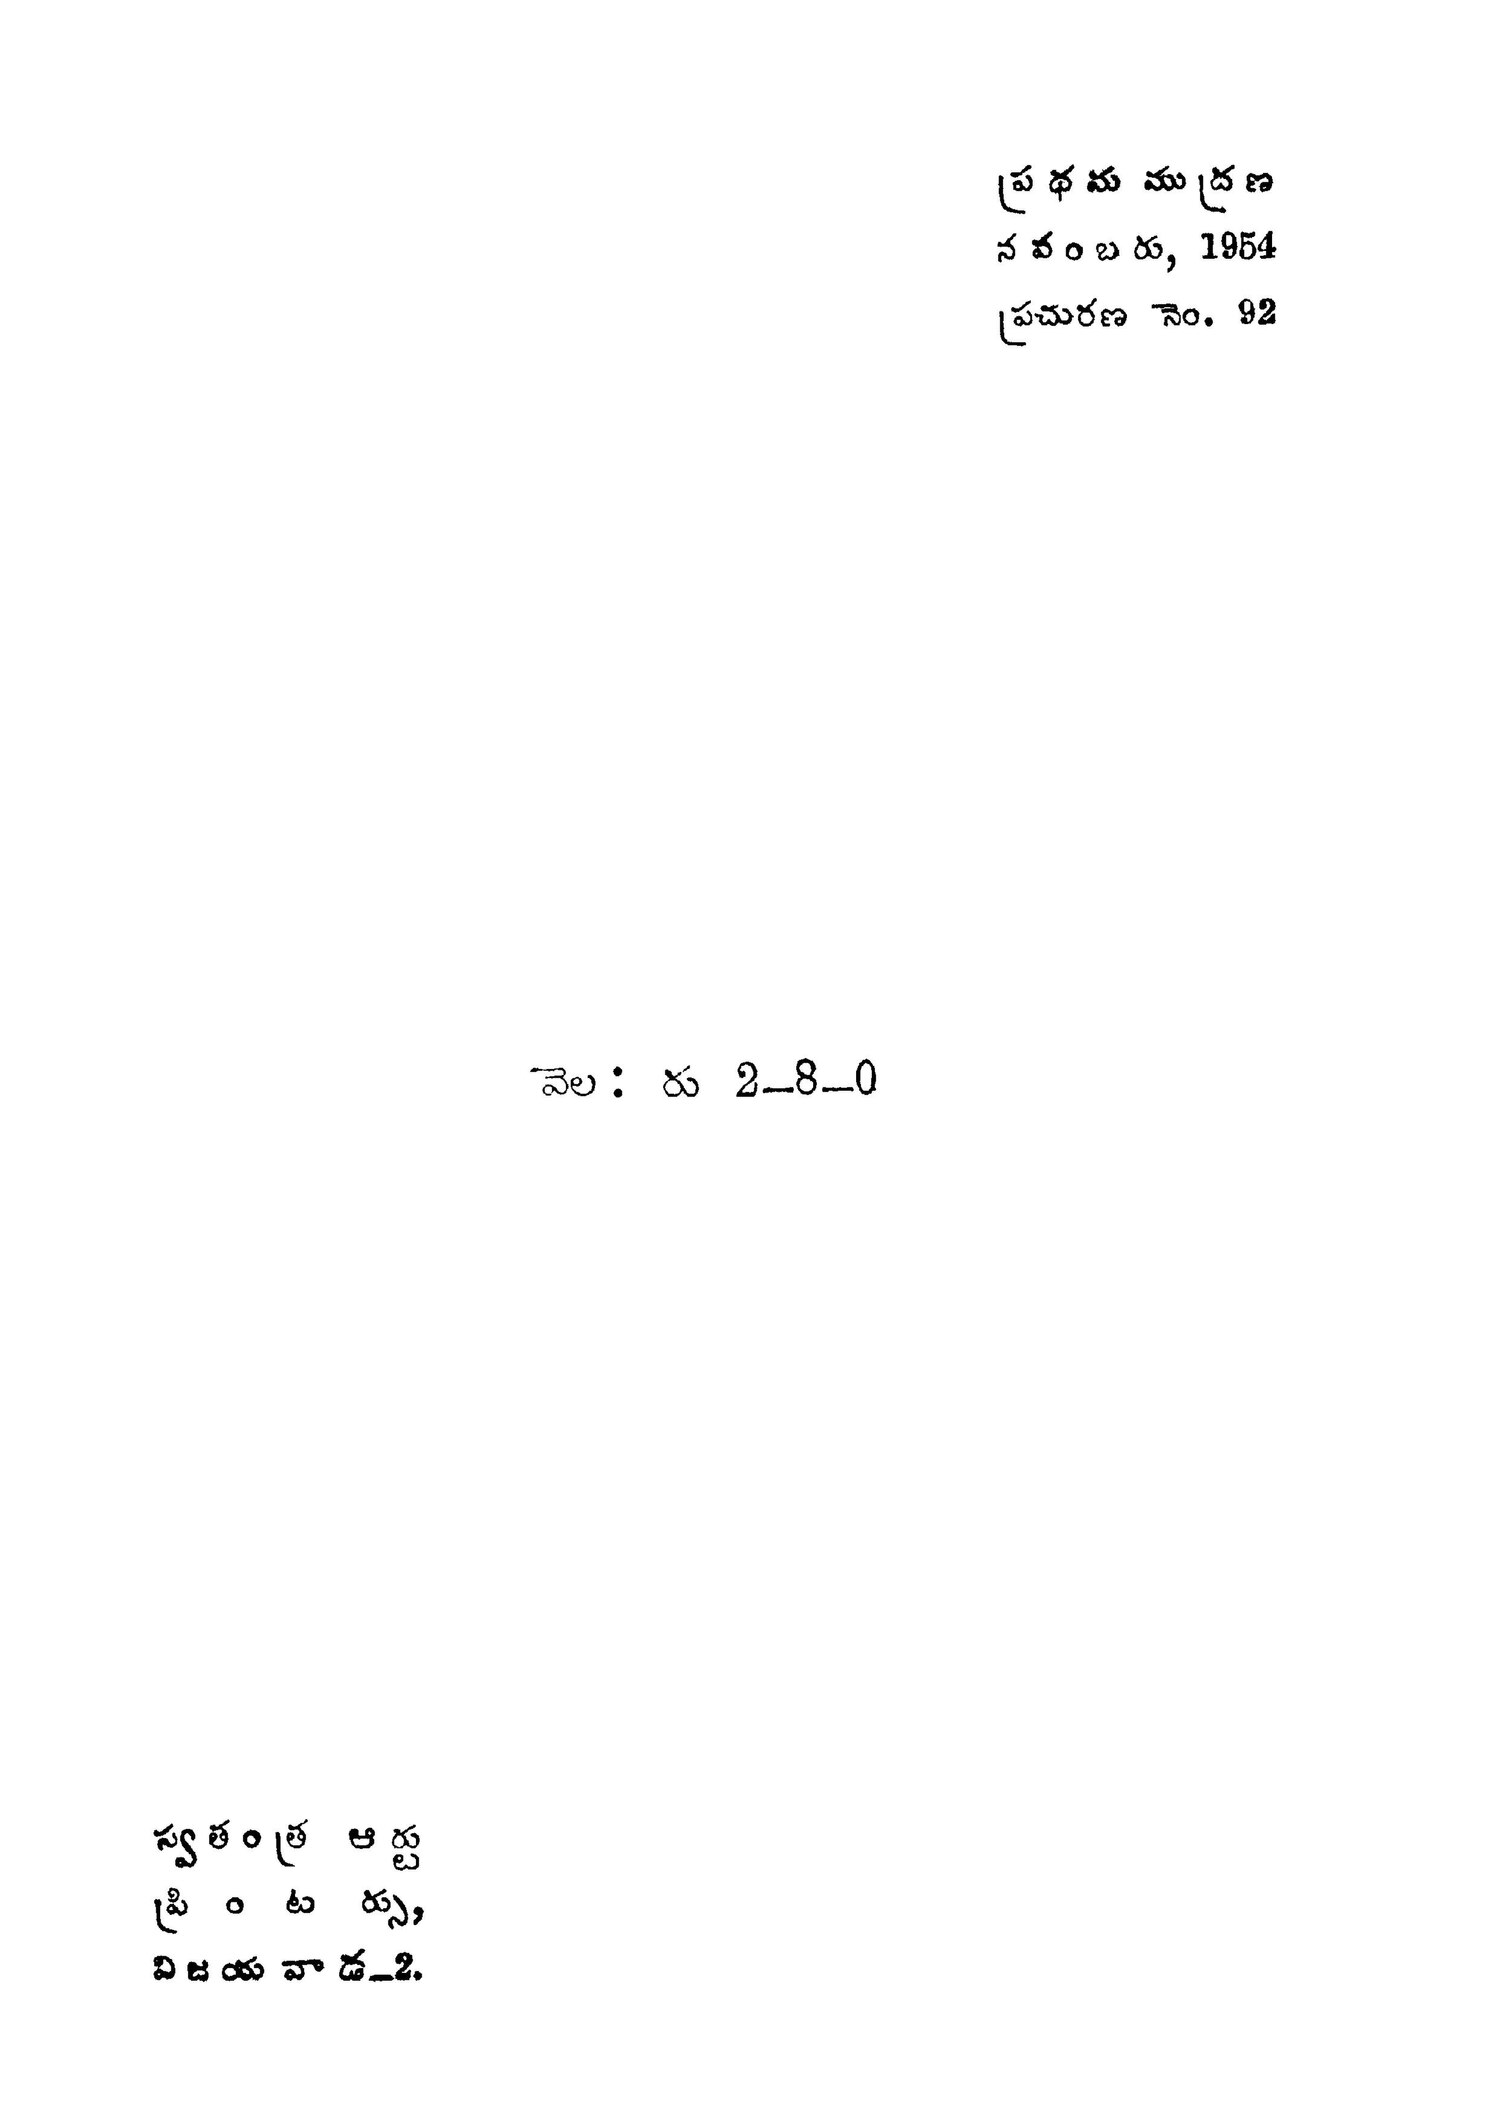ప్రథమ ముద్రణ

నవంబరు, 1954

ప్రచురణ నెం. 92

వెల: రు. 2-8-0

స్వతంత్ర ఆర్టు ప్రింటర్సు,

విజయవాడ-2.